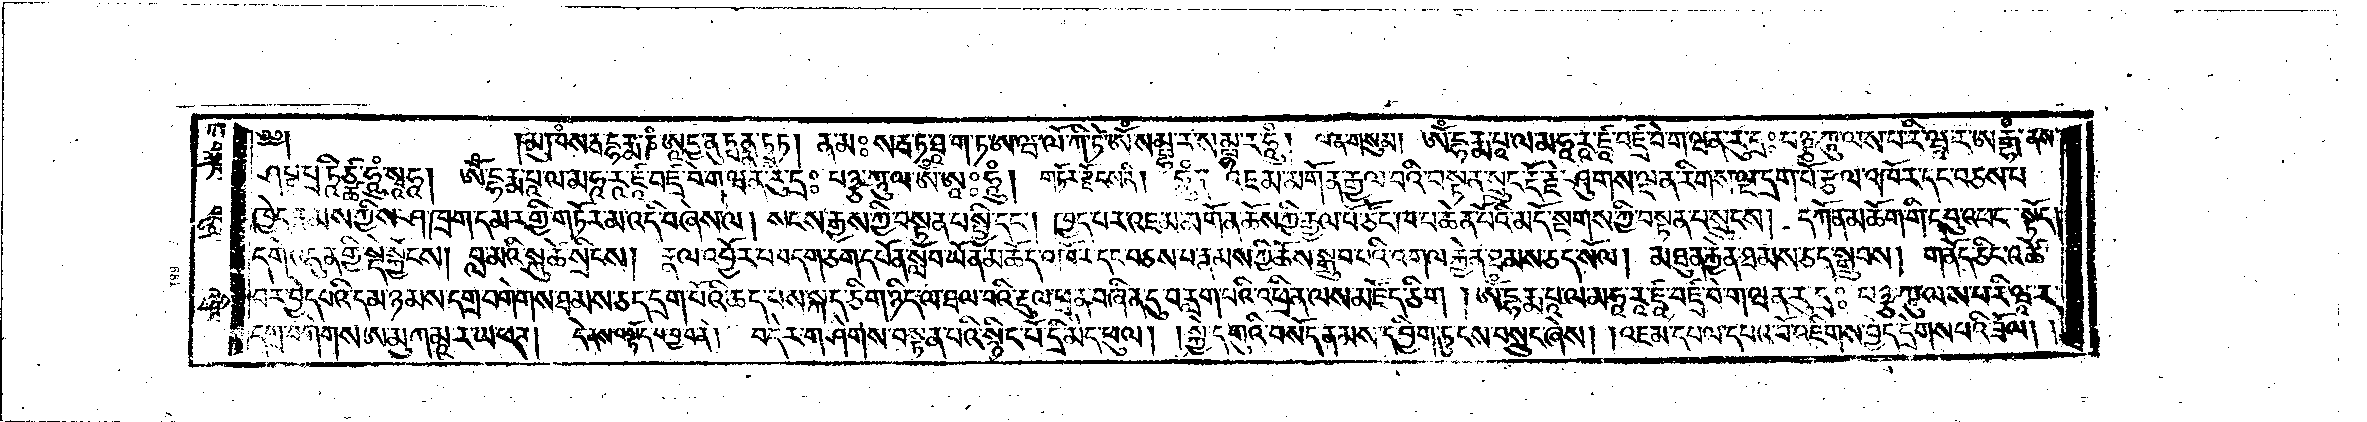༄༅། །མུ་ཁཾ་སརྦྡྷ་ཎཾ་ཨའདྱ་ནུ་ཏྤྣྣ་ཏྭྰྟ། ན་མཿ སརྦ་ཏ་ཐཱ་ག་ཏ་ཨ་ཝ་ལོ་ཀི་ཏེ་ཨོཾ་སམྦྷ་ར་སམྦྷ་ར་ཧཱུཾ། ལན་གསུམ།  ཨོཾ་དྷརྨ་པཱ་ལ་མྷཱ་རཱ་ཛཱ་བཛྲ་བེ་ག་ཝན་རུ་དྲཿ པཉྩ་ཀཱུ་ལས་པ་རི་ཝཱ་ར་ཨརྒྷཾ་ནས་
ཤཔྟ་པྲ་ཏཱིཙྪ་ཧཱུཾ་སྭཱཧཱ། ཨོཾ་དྷརྨ་པཱ་ལ་མཧཱ་རཱ་ཛཱ་བཛྲ་བེ་ག་ཝ་ནེ་རུ་དྲཿ པཉྩ་ཀཱུ་ལ་ཨོཾ་ཨཱཿཧཱུཾ། གཏོར་རྫོངས་ནི།  ཧཱུཾ༑ འཇམ་མགོན་རྒྱལ་བའི་བསྟན་སྲུང་རྡོ་རྗེ་ཤུགས་ལྡན་རིགས་ལྔ་དྲག་པོ་རྩལ་འཁོར་དང་བཅས་པ་
ཁྱེད་རྣམས་ཀྱིས་ཤ་ཁྲག་དམར་གྱི་གཏོར་མ་འདི་བཞེས་ལ། སངས་རྒྱས་ཀྱི་བསྟན་པ་སྤྱི་དང་། ཁྱད་པར་འཇམ་མགོན་ཆོས་ཀྱི་རྒྱལ་པོ་ཙོང་ཁ་པ་ཆེན་པོའི་མདོ་སྔགས་ཀྱི་བསྟན་བསྲུངས། དཀོན་མཆོག་གི་དབུ་འཕང་བསྟོད་
དགེ་འདུན་གྱི་སྡེ་སྐྱོངས། བླ་མའི་སྐུ་ཚེ་སྲིངས། རྣལ་འབྱོར་པ་བདག་ཅག་དཔོན་སློབ་ཡོན་མཆོད་འཁོར་དང་བཅས་པ་རྣམས་ཀྱི་ཆོས་སྒྲུབ་པའི་འགལ་རྐྱེན་ཐམས་ཅད་གསོལ། མཐུན་རྐྱེན་ཐམས་ཅད་སྒྲུབས། གནོད་ཅིང་འཚེ་
བར་བྱེད་པའི་དམ་ཉམས་དགྲ་བགེགས་ཐམས་ཅད་དྲག་པོའི་ཆད་བས་སྐད་ཅིག་ཉིད་ལ་ཐལ་བའི་རྡུལ་ཕྲན་བཞིན་དུ་བརླག་པའི་འཕྲིན་ལས་མཛོད་ཅིག །ཨོཾ་དྷརྨ་པཱུ་ལ་མྷཱ་རཱ་ཛཱ་བཛྲ་བི་ག་ཝན་རུ་དྲཿ པཉྩ་ཀཱུ་ལ་ས་པ་རི་ཝཱ་ར་
དགྲ་བགེགས་ཨ་མུ་ཀ་མཱ་ར་ཡ་ཕཊ། དེ་ནས་བསྟོད་པ་བྱ་ནི།  བདེ་གཤེགས་བསྟན་པའི་སྙིང་པོ་དྲི་མེད་ཕུལ། །སྐྱེ་དགུའི་བསོད་ནམས་དབྱིག་ཏུ་ངེས་བསྲུང་ཞེས། །འཇམ་དཔལ་དཔའ་བོ་འཇིགས་བྱེད་དྲེགས་པའི་ཟོལ། །